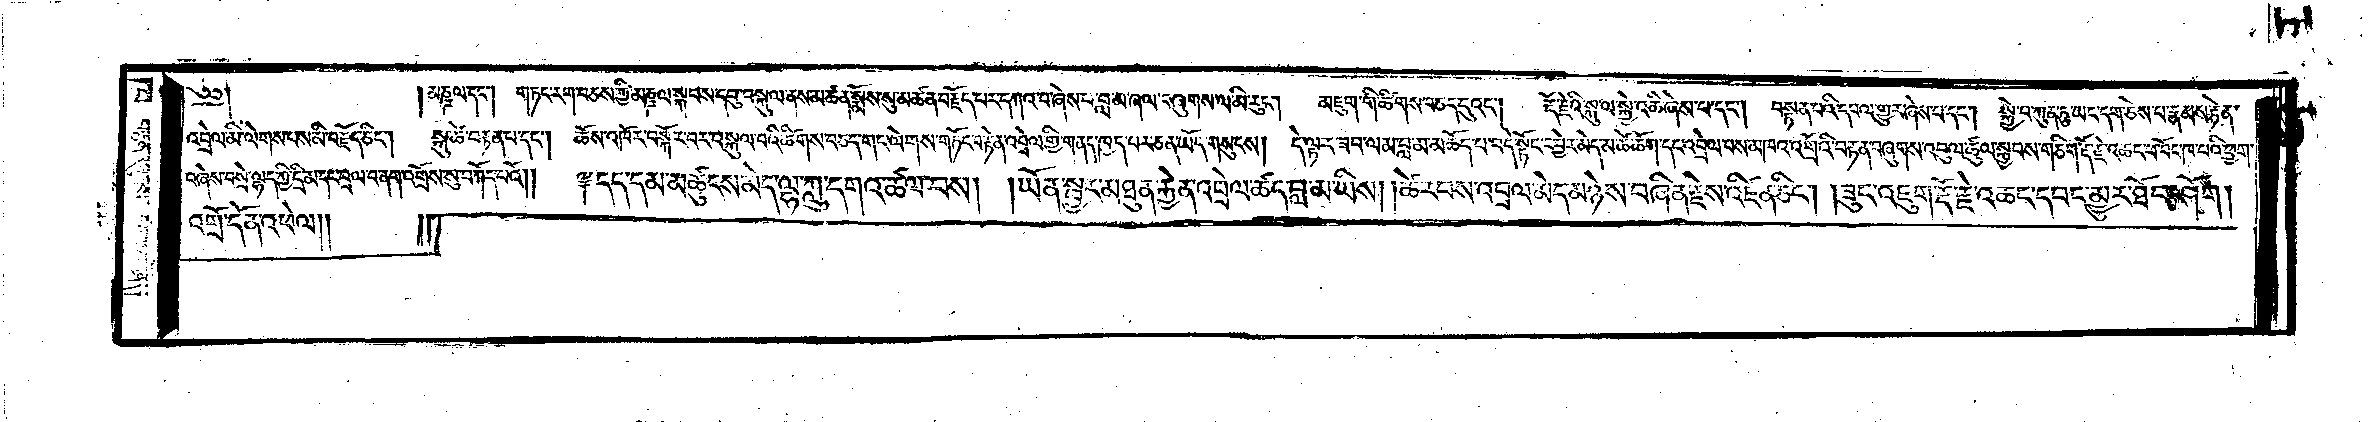༄༅། །མཎྜལ་དང་། གཏང་རག་བཅས་ཀྱི་མཎྜལ་སྐབས་དབུ་བསྐུལ་ནས་མཚན་སྨོས་སུ་མཚན་བརྗོད་པར་དཀའ་བ་ཞེས་པ་བླ་མ་ཞལ་བཞུགས་ལ་མི་རུང་། མཇུག་གི་ཚིགས་བཅད་དུའང་། རྡོ་རྗེའི་སྐུ་ལ་སྐྱེ་འཆི་ཞེས་པ་དང་། བསྟན་པའི་དཔལ་གྱུར་ཞེས་པ་དང་། སྐྱེ་བ་ཀུན་ཏུ་ཡང་དག་ཅེས་པ་རྣམས་རྟེན་
འབྲེལ་མི་ལེགས་པས་མི་བརྗོད་ཅིང་། སྐུ་ཚེ་བརྟན་པ་དང་། ཆོས་འཁོར་བསྐོར་བར་བསྐུལ་བའི་ཚིགས་བཅད་གང་ལེགས་གཏོང་བརྟེན་འབྲེལ་གྱི་གནད་ཁྱད་པར་ཅན་ཡོད་གསུངས། དེ་ལྟར་ཟབ་ལམ་བླ་མ་མཆོད་པ་བདེ་སྟོང་དབྱེར་མེད་མ་ཆོ་ཆོག་དང་འབྲེལ་བས་མཁའ་འགྲོའི་བརྟན་བཞུགས་འབུལ་ཚུལ་སྐྱབས་གཅིག་རྡོ་རྗེ་འཆང་ཕ་བོང་ཁ་པའི་ཕྱག་
བཞེས་བསྲེ་ལྷད་ཀྱི་དྲི་མ་དང་བྲལ་བ་ནག་འགྲོས་སུ་བཀོད་པའོ།། ༈ དད་དམ་མཚུངས་མེད་ལྷ་ཀླུ་དགའ་ཚལ་བས། །ཡོན་སྦྱར་མཐུན་རྐྱེན་འབྲེལ་ཚད་བླ་མ་ཡིས། །ཚེ་རབས་འབྲལ་མེད་མཉེས་བཞིན་རྗེས་འཛིན་ཅིང་། །ཟུང་འཇུག་རྡོ་རྗེ་འཆང་དབང་མྱུར་ཐོབ་ཤོག །
འགྲོ་དོན་འཕེལ།། །།